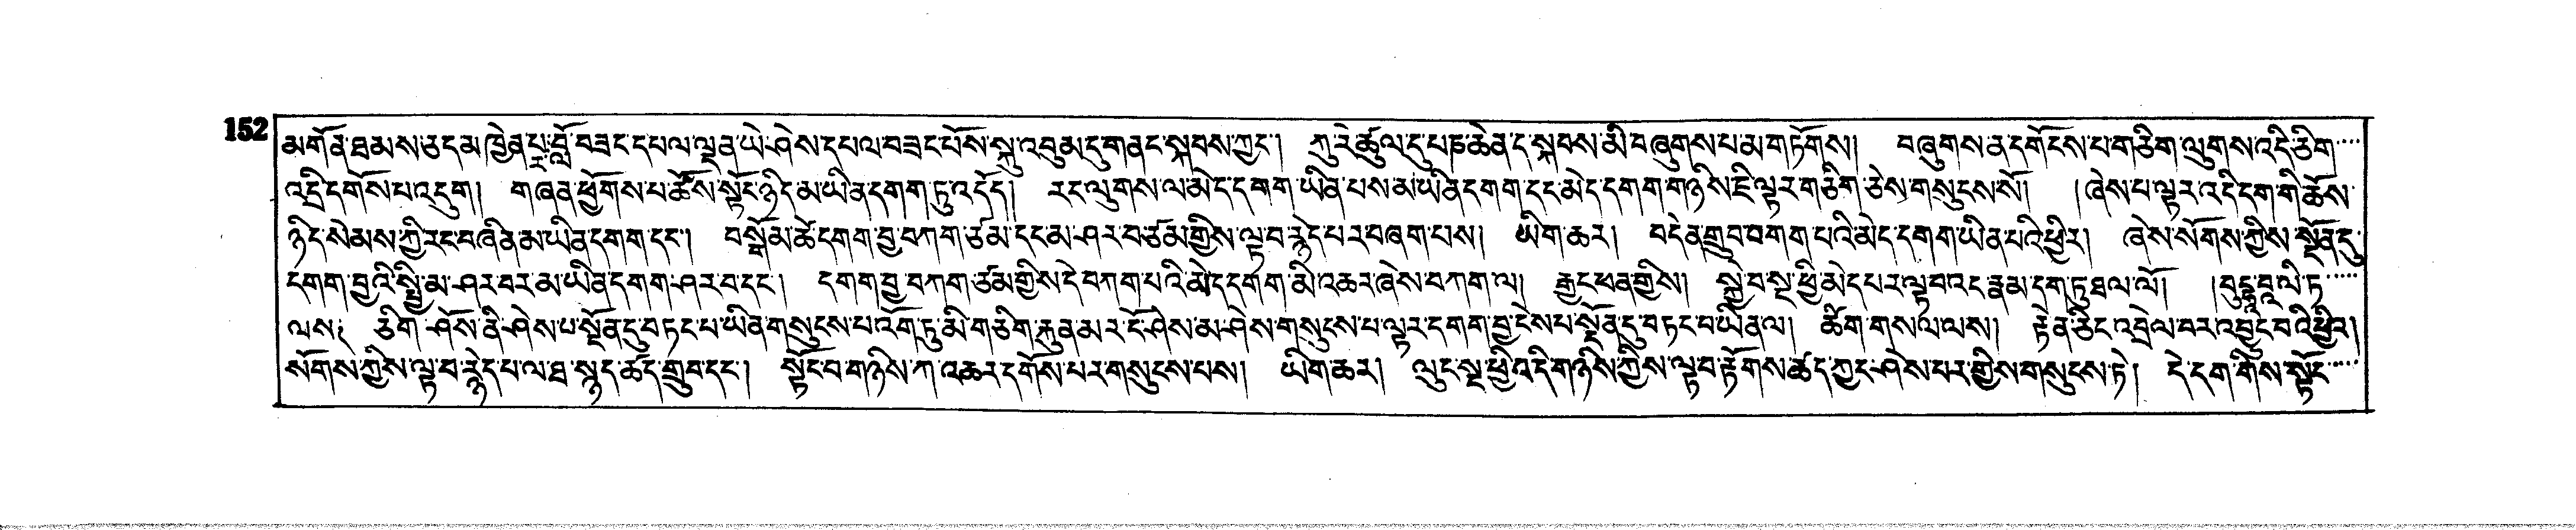མགོན་ཐམས་ཅད་མཁྱེན་པར་བློ་བཟང་དཔལ་ལྡན་ཡེ་ཤེས་དཔལ་བཟང་པོས་སྐུ་འབུམ་དུ་གནང་སྐབས་ཀྱང་། ཀུ་རེ་ཚུལ་དུ་པཎ་ཆེན་ད་སྐབས་མི་བཞུགས་པ་མ་གཏོགས། བཞུགས་ན་དགོངས་པ་གཅིག་ལུགས་འདི་ཅིག་
འདྲི་དགོས་པ་འདུག །གཞན་ཕྱོགས་པ་ཚོས་སྟོང་ཉིད་མ་ཡིན་དགག་ཏུ་འདོད། རང་ལུགས་ལ་མེད་དགག་ཡིན་པས་མ་ཡིན་དགག་དང་མེད་དགག་གཉིས་ཇི་ལྟར་གཅིག་ཅེས་གསུངས་སོ། །ཞེས་པ་ལྟར་འདི་དག་གི་ཆོས་
ཉིད་སེམས་ཀྱི་རང་བཞིན་མ་ཡིན་དགག་དང་། བསྒོམ་ཚེ་དགག་བྱ་བཀག་ཙམ་དང་མ་ཤར་བ་ཙམ་གྱིས་ལྟ་བ་རྙེད་པར་བཞག་པས། ཡིག་ཆར། བདེན་གྲུབ་འགག་པའི་མེད་དགག་ཡིན་པའི་ཕྱིར། ཞེས་སོགས་ཀྱིས་སྔོན་དུ་
དགག་བྱའི་སྤྱི་མ་ཤར་བར་མ་ཡིན་དགག་ཤར་བ་དང་། དགག་བྱ་བཀག་ཙམ་གྱིས་དེ་བཀག་པའི་མེད་དགག་མི་འཆར་ཞེས་བཀག་ལ། རྒྱང་ཕན་གྱིས། སྐྱེ་བ་སྔ་ཕྱི་མེད་པར་ལྟ་བའང་རྣམ་དག་ཏུ་ཐལ་ལོ། །བུདྷཱ་བཱ་ལི་ཏ་
ལས། ཅིག་ཤོས་ནི་ཤེས་པ་སྔོན་དུ་བཏང་པ་ཡིན་གསུངས་པ་འོག་ཏུ་མི་གཅིག་རྐུན་མར་ངོ་ཤེས་མ་ཤེས་གསུངས་པ་ལྟར་དགག་བྱ་ངེས་པ་སྔོན་དུ་བཏང་བ་ཡིན་ལ། ཚིག་གསལ་ལས། རྟེན་ཅིང་འབྲེལ་བར་འབྱུང་བའི་ཕྱིར།
སོགས་ཀྱིས་ལྟ་བ་རྙེད་པ་ལ་ཐ་སྙད་ཚད་གྲུབ་དང་། སྟོང་བ་གཉིས་ཀ་འཆར་དགོས་པར་གསུངས་པས། ཡིག་ཆར། ལུང་སྔ་ཕྱི་འདི་གཉིས་ཀྱིས་ལྟ་བ་རྟོགས་ཚད་ཀྱང་ཤེས་པར་གྱིས་གསུངས་ཏེ། དེ་དག་གིས་སྟོང་